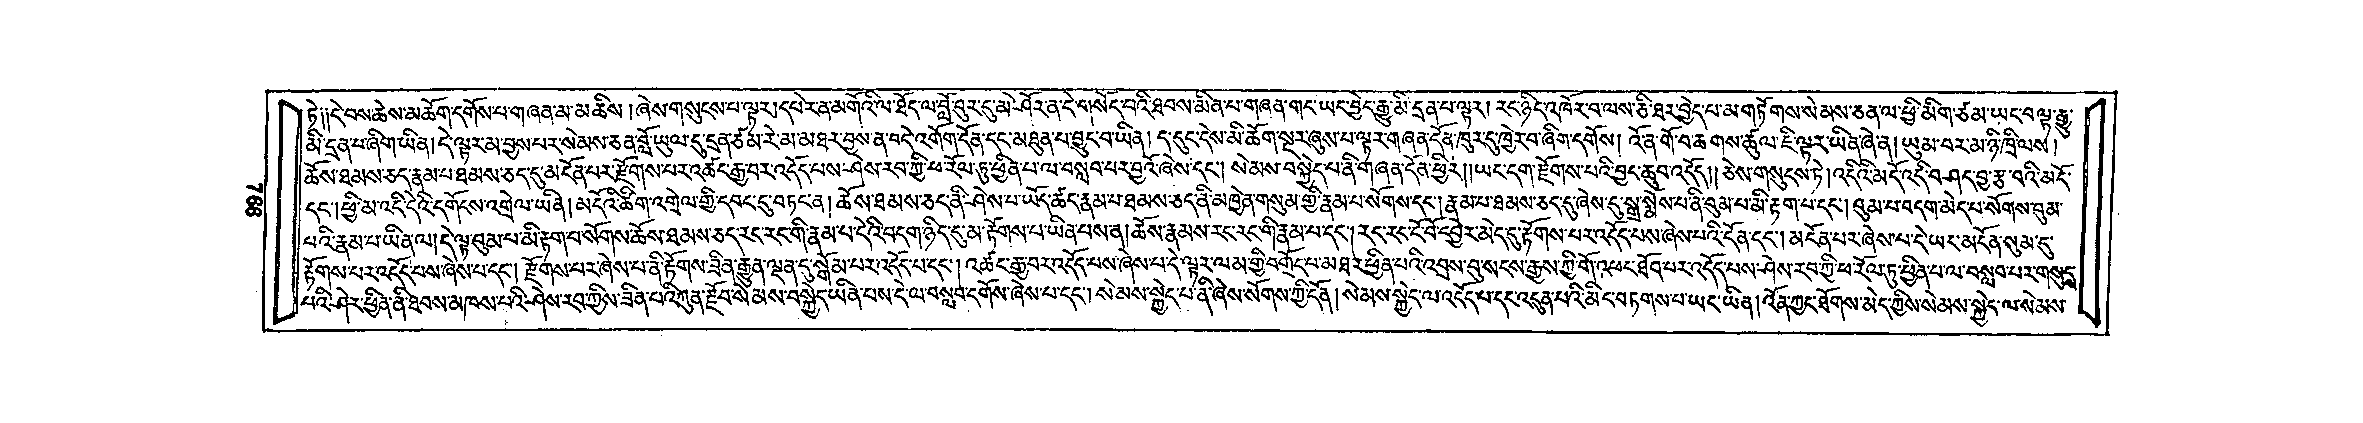ཏེ། །དེ་བས་ཆེས་མཆོག་དགོས་པ་གཞན་མ་མཆིས། ཞེས་གསུངས་པ་ལྟར། དཔེར་ན་མགོའི་ལ་ཐོད་ལ་བློ་བུར་དུ་མེ་ཤོར་ན་དེ་གསོད་པའི་ཐབས་མིན་པ་གཞན་གང་ཡང་བྱེད་རྒྱུ་མི་དྲན་པ་ལྟར། རང་ཉིད་འཁོར་བ་ལས་ཅི་ཐར་བྱེད་པ་མ་གཏོགས་སེམས་ཅན་ལ་ཕྱི་མིག་ཙམ་ཡང་བལྟ་རྒྱུ་
མི་དྲན་པ་ཞིག་ཡིན། དེ་ལྟར་མ་བྱས་པར་སེམས་ཅན་བློ་ཡུལ་དུ་དྲན་ཙམ་རེ་མ་མཐར་བྱས་ན་བདེ་འགོག་དོན་དང་མཐུན་པ་བྱུང་བ་ཡིན། ད་དུང་དེས་མི་ཆོག་སྔར་ཞུས་པ་ལྟར་གཞན་དོན་ཁུར་དུ་ཁྱེར་བ་ཞིག་དགོས། འོ་ན་གོ་བ་ཆགས་ཚུལ་ཇི་ལྟར་ཡིན་ཞེ་ན། ཡུམ་བར་མ་ཉི་ཁྲི་ལས།
ཆོས་ཐམས་ཅད་རྣམ་པ་ཐམས་ཅད་དུ་མངོན་པར་རྫོགས་པར་འཚང་རྒྱ་བར་འདོད་པས་ཤེས་རབ་ཀྱི་ཕ་རོལ་ཏུ་ཕྱིན་པ་ལ་བསླབ་པར་བྱའོ་ཞེས་དང་། སེམས་བསྐྱེད་པ་ནི་གཞན་དོན་ཕྱིར། །ཡང་དག་རྫོགས་པའི་བྱང་ཆུབ་འདོད། །ཅེས་གསུངས་ཏེ། འདིའི་མདོ་འདི་བཤད་བྱ་རྩ་བའི་མདོ་
དང་། ཕྱི་མ་འདི་དེའི་དགོངས་འགྲེལ་ཡིན། མདོའི་ཚིག་འགྲེལ་གྱི་དབང་དུ་བཏང་ན། ཆོས་ཐམས་ཅད་ནི་ཤེས་པ་ཡོད་ཚད་རྣམ་པ་ཐམས་ཅད་ནི་མཁྱེན་གསུམ་གྱི་རྣམ་པ་སོགས་དང་། རྣམ་པ་ཐམས་ཅད་དུ་ཞེས་དུ་སྒྲ་སྨོས་པ་ནི་བུམ་པ་མི་རྟག་པ་དང་། བུམ་པ་བདག་མེད་པ་སོགས་བུམ་
པའི་རྣམ་པ་ཡིན་ལ། དེ་ལྟ་བུམ་པ་མི་རྟག་པ་སོགས་ཆོས་ཐམས་ཅད་རང་རང་གི་རྣམ་པ་དེའི་བདག་ཉིད་དུ་མ་རྟོགས་པ་ཡིན་པས་ན། ཆོས་རྣམས་རང་རང་གི་རྣམ་པ་དང་། རང་རང་ངོ་བོ་དབྱེར་མེད་དུ་རྟོགས་པར་འདོད་པས་ཞེས་པའི་དོན་དང་། མངོན་པར་ཞེས་པ་དེ་ཡང་མངོན་སུམ་དུ་
རྟོགས་པར་འདོད་པས་ཞེས་པ་དང་། རྫོགས་པར་ཞེས་པ་ནི་རྟོགས་ཟིན་རྒྱུན་ལྡན་དུ་སྒོམ་པར་འདོད་པ་དང་། འཚང་རྒྱ་བར་འདོད་པས་ཞེས་པ་དེ་ལྟར་ལམ་གྱི་བགྲོད་པ་མཐར་ཕྱིན་པའི་འབྲས་བུ་སངས་རྒྱས་ཀྱི་གོ་འཕང་ཐོབ་པར་འདོད་པས་ཤེས་རབ་ཀྱི་ཕ་རོལ་ཏུ་ཕྱིན་པ་ལ་བསླབ་པར་གསུངས་
པའི་ཤེར་ཕྱིན་ནི་ཐབས་མཁས་པའི་ཤེས་རབ་ཀྱིས་ཟིན་པའི་ཀུན་རྫོབ་སེམས་བསྐྱེད་ཡིན་པས་དེ་ལ་བསླབ་དགོས་ཞེས་པ་དང་། སེམས་སྐྱེད་པ་ནི་ཞེས་སོགས་ཀྱི་དོན། སེམས་སྐྱེད་ལ་འདོད་པ་དང་འདུན་པའི་མིང་བཏགས་པ་ཡང་ཡིན། འོན་ཀྱང་ཐོགས་མེད་ཀྱིས་སེམས་སྐྱེད་ལ་སེམས་